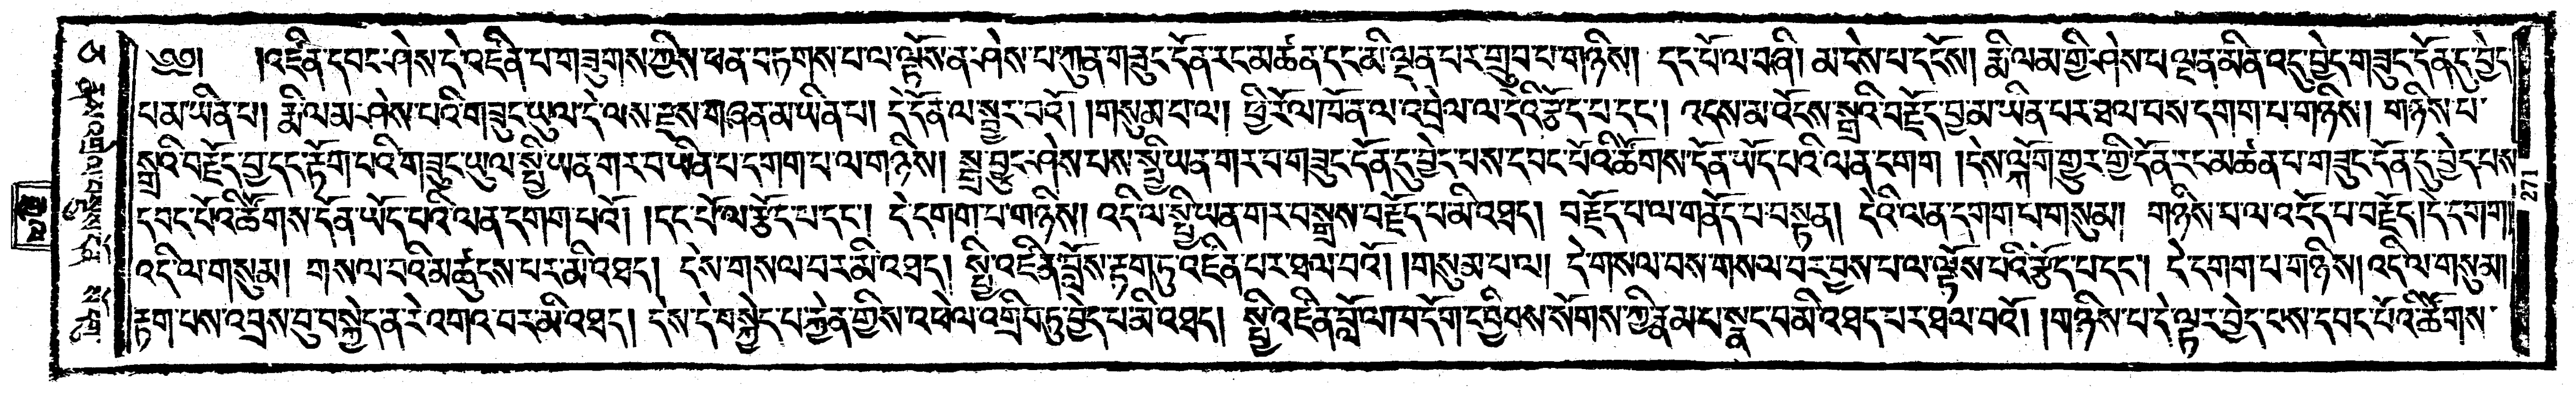༄༅། །འཛིན་དབང་ཤེས་དེ་འཛིན་པ་གཟུགས་ཀྱིས་ཕན་བཏགས་པ་ལ་ལྟོས་ན་ཤེས་པ་ཀུན་གཟུང་དོན་རང་མཚན་དང་མི་ལྡན་པར་གྲུབ་པ་གཉིས། དང་པོ་ལ་བཞི། མ་ངེས་པ་དངོས། རྨི་ལམ་གྱི་ཤེས་པ་ལྡན་མིན་འདུ་བྱེད་གཟུང་དོན་དུ་བྱེད་
པ་མ་ཡིན་པ། རྨི་ལམ་ཤེས་པའི་གཟུང་ཡུལ་དེ་ལས་རྫས་གཞན་མ་ཡིན་པ། དེ་དོན་ལ་སྦྱར་བའོ། །གསུམ་པ་ལ། ཕྱི་རོལ་ཁོ་ན་ལ་འབྲེལ་ལ་དེའི་རྩོད་པ་དང་། འདས་མ་འོངས་སྒྲའི་བརྗོད་བྱ་མ་ཡིན་པར་ཐལ་བས་དགག་པ་གཉིས། གཉིས་པ་
སྒྲའི་བརྗོད་བྱ་དང་རྟོག་པའི་གཟུང་ཡུལ་སྤྱི་ཡན་གར་བ་ཡིན་པ་དགག་པ་ལ་གཉིས། སྒྲ་བྱུང་ཤེས་པས་སྤྱི་ཡན་གར་བ་གཟུང་དོན་དུ་བྱེད་པས་དབང་པོའི་ཚོགས་དོན་ཡོད་པའི་ལན་དགག །དེས་ལྐོག་གྱུར་གྱི་དོན་རང་མཚན་པ་གཟུང་དོན་དུ་བྱེད་པས་
དབང་པོའི་ཚོགས་དོན་ཡོད་པའི་ལན་དགག་པའོ། །དང་པོ་ལ་རྩོད་པ་དང་། དེ་དགག་པ་གཉིས། འདི་ལ་སྤྱི་ཡན་གར་བ་སྒྲས་བརྗོད་པ་མི་འཐད། བརྗོད་པ་ལ་གནོད་པ་བསྟན། དེའི་ལན་དགག་པ་གསུམ། གཉིས་པ་ལ་འདོད་པ་བརྗོད། དེ་དགག་
འདི་ལ་གསུམ། གསལ་བའི་མཚུངས་པར་མི་འཐད། དེས་གསལ་བར་མི་འཐད། སྤྱི་འཛིན་བློས་རྟག་ཏུ་འཛིན་པར་ཐལ་བའོ། །གསུམ་པ་ལ། དེ་གསལ་བས་གསལ་བར་བྱས་པ་ལ་ལྟོས་པའི་རྩོད་པ་དང་། དེ་དགག་པ་གཉིས། འདི་ལ་གསུམ།
རྟག་པས་འབྲས་བུ་བསྐྱེད་ན་རེ་འགའ་བར་མི་འཐད། དེས་དེ་བསྐྱེད་པ་རྐྱེན་གྱིས་འཕེལ་འགྲིབ་ཏུ་བྱེད་པ་མི་འཐད། སྤྱི་འཛིན་བློ་ལ་ཁ་དོག་དབྱིབས་སོགས་ཀྱི་རྣམ་པ་སྣང་བ་མི་འཐད་པར་ཐལ་བའོ། །གཉིས་པ་དེ་ལྟར་བྱེད་པས་དབང་པོའི་ཚོགས་